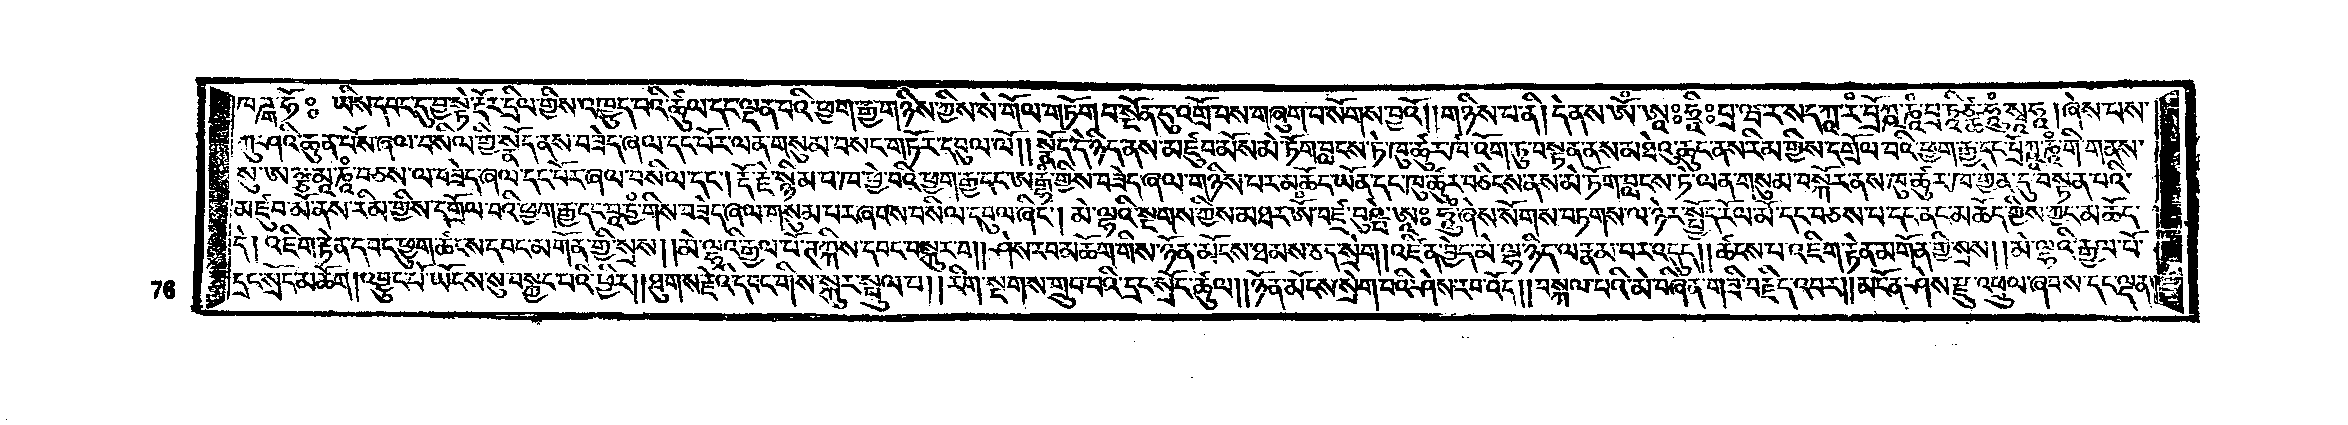ཁ་ཌྒ་ཧོཿ ཡིས་དབང་དུ་བྱ་སྟེ་རྡོར་དྲིལ་གྱིས་འཁྱུད་པའི་ཚུལ་དང་ལྡན་པའི་ཕྱག་རྒྱ་གཉིས་ཀྱིས་སེ་གོལ་གཏོག་པ་སྔོན་དུ་འགྲོ་བས་གཞུག་པ་སོགས་བྱའོ། །གཉིས་པ་ནི། དེ་ནས་ཨོཾ་ཨཱཿ ཧྲཱིཿ པྲ་ཝ་ར་སད་ཀཱ་རཾ་བྲོ་ཀྵ་ཎཱཾ་པྲ་ཏཱི་ཙྪ་ཧཱུཾ་སྭཱཧཱ། ཞེས་པས་
ཀུ་ཤའི་ཆུན་པོས་ཞལ་བསིལ་གྱི་སྣོད་ནས་བཟེད་ཞལ་དང་པོར་ལན་གསུམ་བསང་གཏོར་དབུལ་ལོ། །སྣོད་དེ་ཉིད་ནས་མཛུབ་མོས་མེ་ཏོག་བླངས་ཏེ་ཁུ་ཚུར་ཁེ་འོག་ཏུ་བསྟན་ནས་མཐེའུ་ཆུང་ནས་རིམ་གྱིས་དགྲོལ་བའི་ཕྱག་རྒྱ་དང་པྲོ་ཀྵཱ་ཎཱཾ་གི་གནས་
སུ་ཨ་ཉྩ་མཱ་ཎཱཾ་བཅས་ལ་བཟེད་ཞལ་དང་པོར་ཞལ་བསིལ་དང་། རྡོ་རྗེ་སྙིམ་པ་ཁ་ཕྱེ་བའི་ཕྱག་རྒྱ་དང་ཨརྒྷཾ་གྱིས་བཟེད་ཞལ་གཉིས་པར་མཆོད་ཡོན་དང་ཁུ་ཚུར་བཅིངས་ནས་མེ་ཏོག་བླངས་ཏེ་ལན་གསུམ་བསྐོར་ནས་ཁུ་ཚུར་ཁ་གྱེན་དུ་བསྟན་པའི་
མཛུབ་མོ་ནས་རིམ་གྱིས་དགྲོལ་བའི་ཕྱག་རྒྱ་དང་པཱ་དྱཾ་གིས་བཟེད་ཞལ་གསུམ་པར་ཞབས་བསིལ་དབུལ་ཞིང་། མེ་ལྷའི་སྔགས་ཀྱིས་མཐར་ཨོཾ་བཛྲ་བུ་ཥྤེ་ཨཱཿ ཧཱུཾ་ཞེས་སོགས་བཏགས་ལ་ཉེར་སྤྱོད་རོལ་མོ་དང་བཅས་པ་དང་ནང་མཆོད་ཀྱིས་ཀྱང་མཆོད་
དེ། འཇིག་རྟེན་དབང་ཕྱུག་ཚངས་དབང་མགོན་གྱི་སྲས། །མེ་ལྷའི་རྒྱལ་པོ་ཊཀྐིས་དབང་བསྐུར་བ། །ཤེས་རབ་མཆོག་གིས་ཉོན་མོངས་ཐམས་ཅད་སྲེག །འཛིན་བྱེད་མེ་ལྷ་ཉིད་ལ་རྣམ་པར་འདུད། །ཚངས་པ་འཇིག་རྟེན་མགོན་གྱི་སྲས། །མེ་ལྷའི་རྒྱལ་པོ་
དྲང་སྲོང་མཆོག །འབྱུང་པོ་ཡོངས་སུ་བསྐྱང་བའི་ཕྱིར། །ཐུགས་རྗེའི་དབང་གིས་སྐུར་སྤྲུལ་པ། །རིག་སྔགས་གྲུབ་པའི་དྲང་སྲོང་ཚུལ། །ཉོན་མོངས་སྲེག་པའི་ཤེས་རབ་འོད། །བསྐལ་པའི་མེ་བཞིན་གཟི་བརྗིད་འབར། །མངོན་ཤེས་རྫུ་འཕྲུལ་ཞབས་དང་ལྡན།